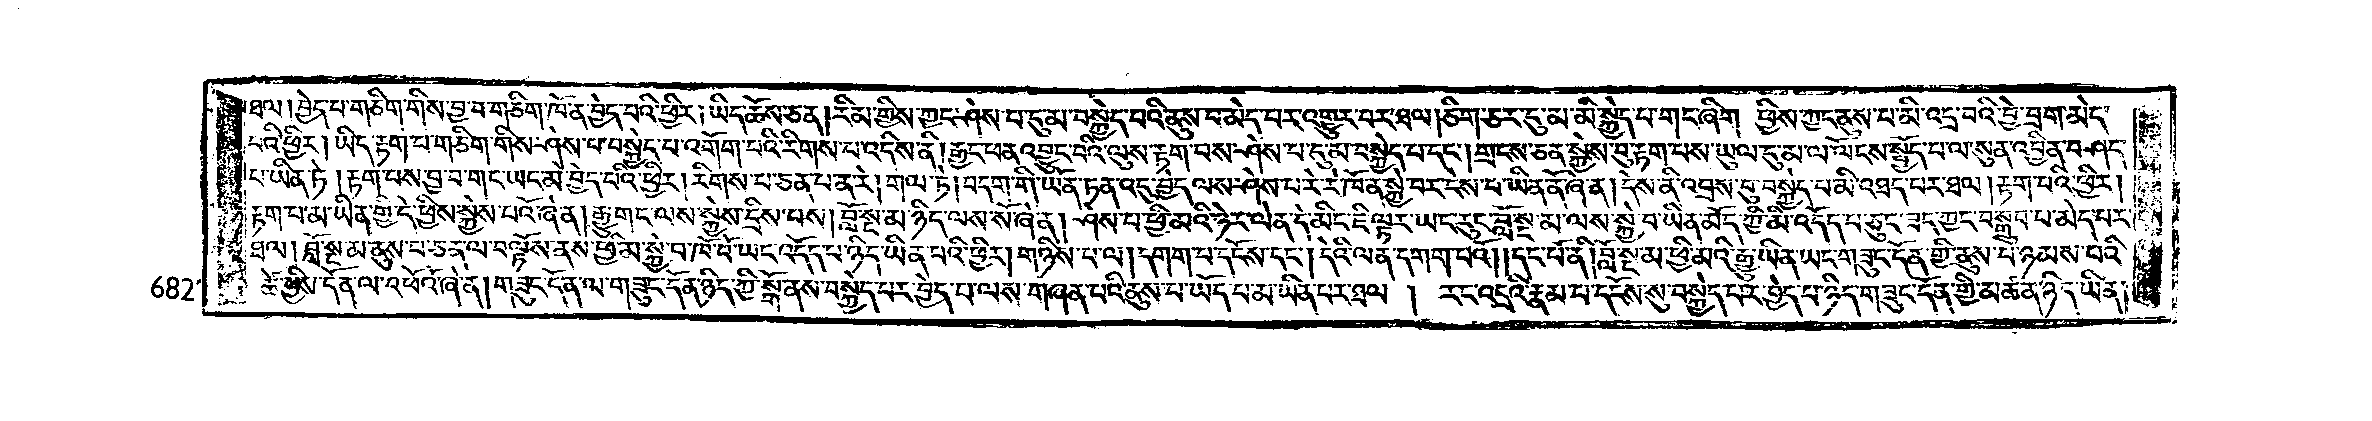ཐལ། བྱེད་པ་གཅིག་གིས་བྱ་བ་གཅིག་ཁོ་ན་བྱེད་པའི་ཕྱིར། ཡིད་ཆོས་ཅན། རིམ་གྱིས་ཀྱང་ཤེས་པ་དུ་མ་བསྐྱེད་པའི་ནུས་པ་མེད་པར་འགྱུར་བར་ཐལ། ཅིག་ཅར་དུ་མ་མི་སྐྱེད་པ་གང་ཞིག་ཕྱིས་ཀྱང་ནུས་པ་མི་འདྲ་བའི་བྱེ་བྲག་མེད་
པའི་ཕྱིར། ཡིད་རྟག་པ་གཅིག་གིས་ཤེས་པ་བསྐྱེད་པ་འགོག་པའི་རིགས་པ་འདིས་ནི། རྒྱང་ཕན་འབྱུང་བའི་ལུས་རྟག་པས་ཤེས་པ་དུ་མ་བསྐྱེད་པ་དང་། གྲངས་ཅན་སྐྱེས་བུ་རྟག་པས་ཡུལ་དུ་མ་ལ་ལོངས་སྤྱོད་པ་ལ་སུན་འབྱིན་བཤད་
པ་ཡིན་ཏེ། རྟག་པས་བྱ་བ་གང་ཡང་མེ་བྱེད་པའི་ཕྱིར། རིགས་པ་ཅན་པ་ན་རེ། གལ་ཏེ། བདག་གི་ཡོན་ཏན་འདུ་བྱེད་ལས་ཤེས་པ་རེ་རེ་ཁོ་ན་སྐྱེ་བར་ངེས་པ་ཡིན་ནོ་ཞེ་ན། དེས་ནི་འབྲས་བུ་བསྐྱེད་པ་མི་འཐད་པར་ཐལ། རྟག་པའི་ཕྱིར།
རྟག་པ་མ་ཡིན་གྱི་དེ་ཕྱིས་སྐྱེས་པའི་ཞེ་ན། རྒྱུ་གང་ལས་སྐྱེས་དྲིས་པས། བློ་སྔ་མ་ཉིད་ལས་སོ་ཞེ་ན། ཤེས་པ་ཕྱི་མའི་ཉེར་ལེན་དེ་མིང་ཇི་ལྟར་ཡང་རུང་བློ་སྔ་མ་ལས་སྐྱེ་བ་ཡིན་མོད་ཀྱི་མི་འདོད་པ་ཅུང་ཟད་ཀྱང་བསྒྲུབ་པ་མེད་པར་
ཐལ། བློ་སྔ་མ་ནུས་པ་ཅན་ལ་བལྟོས་ནས་ཕྱི་མ་སྐྱེ་བ་ཁོ་བོ་ཡང་འདོད་པ་ཉིད་ཡིན་པའི་ཕྱིར། གཉིས་པ་ལ། དགག་པ་དངོས་དང་། དེའི་ལན་དགག་པའོ། །དང་པོ་ནི། བློ་སྔ་མ་ཕྱི་མའི་རྒྱུ་ཡིན་ཡང་གཟུང་དོན་གྱི་ནུས་པ་ཉམས་པའི་
ཚེ་ཕྱིས་དོན་ལ་འཕོའོ་ཞེ་ན། གཟུང་དོན་ལ་གཟུང་དོན་ཉིད་ཀྱི་སྒོ་ནས་བསྐྱེད་པར་བྱེད་པ་ལས་གཞན་པའི་ནུས་པ་ཡོད་པ་མ་ཡིན་པར་ཐལ། རང་འདྲའི་རྣམ་པ་དངོས་སུ་བསྐྱེད་པར་བྱེད་པ་ཉིད་གཟུང་དོན་གྱི་མཚན་ཉིད་ཡིན།